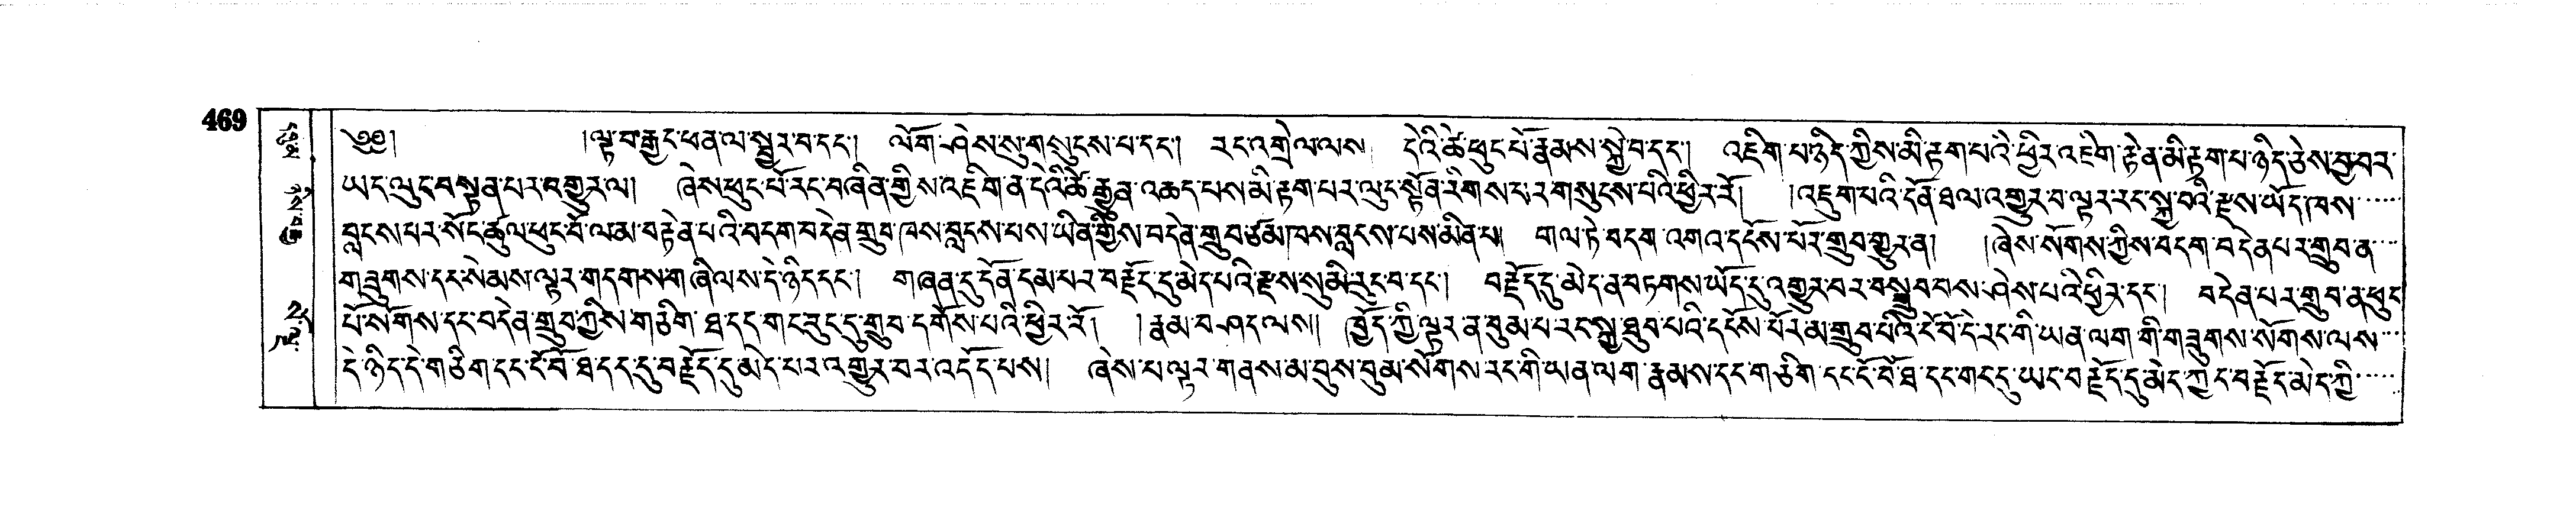༄༅། །ལྟ་བ་རྒྱང་ཕན་ལ་སྦྱར་བ་དང་། ལོག་ཤེས་སུ་གསུངས་པ་དང་། རང་འགྲེལ་ལས། དེའི་ཚེ་ཕུང་པོ་རྣམས་སྐྱེ་བ་དང་། འཇིག་པ་ཉིད་ཀྱིས་མི་རྟག་པའི་ཕྱིར་འཇིག་རྟེན་མི་རྟག་པ་ཉིད་ཅེས་བྱ་བར་
ཡང་ལུང་བསྟན་པར་འགྱུར་ལ། ཞེས་ཕུང་པོ་རང་བཞིན་གྱིས་འཇིག་ན་དེའི་ཚེ་རྒྱུན་འཆད་པས་མི་རྟག་པར་ལུང་སྟོན་རིགས་པར་གསུངས་པའི་ཕྱིར་རོ། །འཇུག་པའི་དོན་ཐལ་འགྱུར་བ་ལྟར་རང་སྐྱ་བའི་རྫས་ཡོད་ཁས་
བླངས་པར་སོང་ཚུལ་ཕུང་བོ་ལ་མ་བརྟེན་པའི་བདག་བདེན་གྲུབ་ཁས་བླངས་པས་ཡིན་གྱིས་བདེན་གྲུབ་ཙམ་ཁས་བླངས་པས་མིན་པ། གལ་ཏེ་བདག་འགའ་དངོས་པོར་གྲུབ་གྱུར་ན། །ཞེས་སོགས་ཀྱིས་བདག་བདེན་པར་གྲུབ་ན་
གཟུགས་དང་སེམས་ལྟར་གདགས་གཞི་ལས་དེ་ཉིད་དང་། གཞན་དུ་དོན་དམ་པར་བརྗོད་དུ་མེད་པའི་རྫས་སུ་མི་རུང་བ་དང་། བརྗོད་དུ་མེད་ན་བཏགས་ཡོད་དུ་འགྱུར་བར་བསྒྲུབ་བས་ཤེས་པའི་ཕྱིར་དང་། བདེན་པར་གྲུབ་ན་ཕུང་
པོ་སོགས་དང་བདེན་གྲུབ་ཀྱིས་གཅིག་ཐ་དད་གང་རུང་དུ་གྲུབ་དགོས་པའི་ཕྱིར་རོ། །རྣམ་བཤད་ལས། ཁྱོད་ཀྱི་ལྟར་ན་བུམ་པ་རང་སྐྱ་ཐུབ་པའི་དངོས་པོར་མ་གྲུབ་པའི་ངོ་བོ་དེ་རང་གི་ཡན་ལག་གི་གཟུགས་སོགས་ལས་
དེ་ཉིད་དེ་གཅིག་དང་ངོ་བོ་ཐ་དད་དུ་བརྗོད་དུ་མེད་པར་འགྱུར་བར་འདོད་པས། ཞེས་པ་ལྟར་གནས་མ་བུས་བུམ་སོགས་རང་གི་ཡན་ལག་རྣམས་དང་གཅིག་དང་ངོ་བོ་ཐ་དད་གང་དུ་ཡང་བརྗོད་དུ་མེད་ཀྱང་བརྗོད་མེད་ཀྱི་